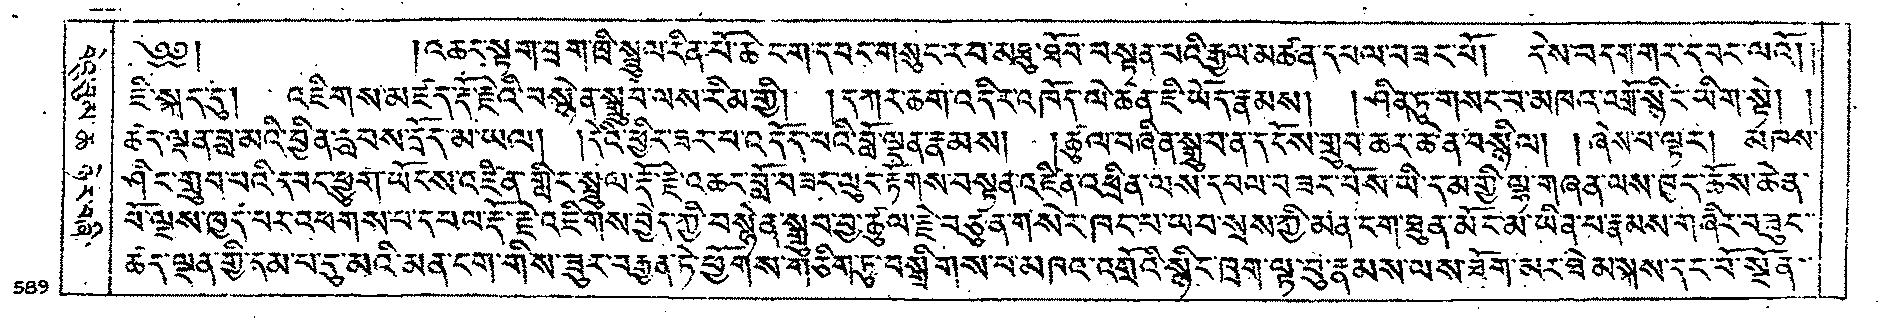༄༅། །འཆང་སྟག་བྲག་ཁྲི་སྤྲུལ་རིན་པོ་ཆེ་ངག་དབང་གསུང་རབ་མཐུ་ཐོབ་བསྟན་པའི་རྒྱལ་མཚན་དཔལ་བཟང་པོ། དེས་བདག་གར་དབང་ལའོ། །
ཇི་སྐད་དུ། འཇིགས་མཛད་རྡོ་རྗེའི་བསྙེན་སྒྲུབ་ལས་རིམ་གྱི། །དཀར་ཆག་འདིར་འཁོད་ལེ་ཚན་ཇི་ཡོད་རྣམས། །ཤིན་ཏུ་གསང་བ་མཁའ་འགྲོ་སྙིང་ཡིག་སྟེ། །
ཚད་ལྡན་བླ་མའི་བྱིན་རླབས་དྲོད་མ་ཡལ། །དེའི་ཕྱིར་ཐར་པ་འདོད་པའི་བློ་ལྡན་རྣམས། །ཚུལ་བཞིན་སྒྲུབ་ན་དངོས་གྲུབ་ཆར་ཆེན་བསྙིལ། །ཞེས་པ་ལྟར། མཁས་
ཤིང་གྲུབ་པའི་དབང་ཕྱུག་ཡོངས་འཛིན་གླིང་སྤྲུལ་རྡོ་རྗེ་འཆང་བློ་བཟང་ལུང་རྟོགས་བསྟན་འཛིན་འཕྲིན་ལས་དཔལ་བཟང་པོས་ཡི་དམ་གྱི་ལྷ་གཞན་ལས་ཁྱད་ཆོས་ཆེན་
པོ་ལྔས་ཁྱད་པར་འཕགས་པ་དཔལ་རྡོ་རྗེ་འཇིགས་བྱེད་ཀྱི་བསྙེན་སྒྲུབ་བྱ་ཚུལ་རྗེ་བཙུན་གསེར་ཁང་པ་ཡབ་སྲས་ཀྱི་མན་ངག་ཐུན་མོང་མ་ཡིན་པ་རྣམས་གཞིར་བཟུང་
ཚད་ལྡན་གྱི་དམ་པ་དུ་མའི་མན་ངག་གིས་ཟུར་བརྒྱན་ཏེ་ཕྱོགས་གཅིག་ཏུ་བསྒྲིགས་པ་མཁའ་འགྲོའི་སྙིང་ཁྲག་ལྟ་བུ་རྣམས་ལས་ཐོག་མར་ཐིམ་སྐས་དང་པོ་སྔོན་